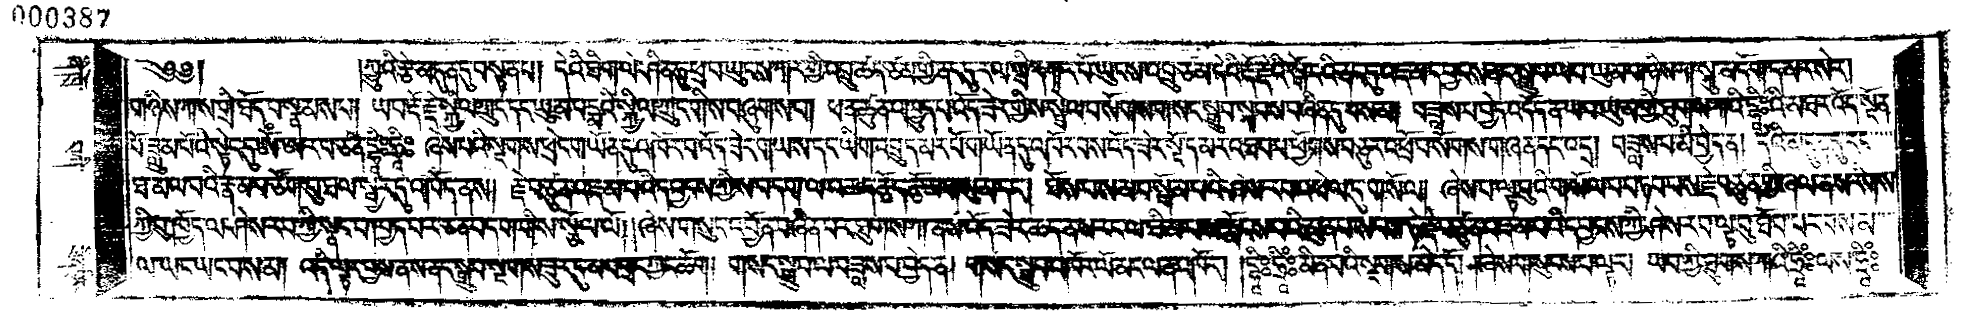༄༅། །ཀྱུའི་རྩེ་མདུན་དུ་བསྟན་པ། དེའི་ཐིག་ལེ་ཤིན་ཏུ་ཕྲ་བ་ཡུངས་ཀར་གྱི་འབྲུ་ཚད་ཙམ་གྱི་ནང་དུ་རལ་གྲི་དཀར་པོ་ཡུངས་འབྲུ་ཙམ་དེའི་རྡོ་རྗེའི་སྒོ་ངའི་ནང་དུ་འཇམ་དབྱངས་ནང་སྒྲུབ་ཡབ་ཡུམ་གཉིས་ཀ་སྐུ་མདོག་དམར་སེར།
གཉིས་ཀས་གྲི་ཐོད་བསྣམས་པ། ཡབ་རྡོ་རྗེ་སྐྱིལ་ཀྲུང་དང་ཡུམ་པདམའི་སྐྱིལ་ཀྲུང་གིས་བཞུགས་པ། ཕན་ཚུན་འཁྱུད་པ་འོད་ཟེར་གྱིས་སྤྲེལ་བ་སོགས་གསང་སྒྲུབ་སྐབས་བཞིན་དུ་བསམ། བཟླས་པ་བྱེད་འདོད་ན་ཡབ་ཡུམ་གྱི་ཐུགས་ཀའི་དྷཱིཿའི་མཐར་འོད་སྔོན་
པོ་ཟླུམ་པོའི་སྟེང་དུ་ཨོཾ་ཨ་ར་པ་ཙ་ན་དྷཱིཿ ཧྲཱིཿ ཞེས་པའི་སྔགས་ཕྲེང་གཡོན་དུ་འཁོར་བ་འོད་ཟེར་གཡས་དང་ཡིག་འབྲུ་དམར་པོ་གཡོན་དུ་འཁོར་བས་འོད་ཟེར་སྔོ་དམར་འཐབ་པ་ཕྱོགས་བཅུར་འཕྲོ་བ་སོགས་གཞན་དང་འདྲ། བཟླས་པ་མི་བྱེད་ན། དེའི་མདུན་དུ་རང་
ཐ་མལ་བའི་རྣམ་པ་ཙོག་བུ་ཐལ་སྦྱར་དུ་འཁོད་ནས། རྗེ་བཙུན་འཇམ་པའི་དབྱངས་ཀྱིས་བདག་ལ་འཆད་རྩོད་རྩོམ་གསུམ་དང་། ཐོས་བསམ་བསྒོམ་པའི་ཤེས་རབ་འཕེལ་དུ་གསོལ། ཞེས་པ་ལྟ་བུའི་གསོལ་བ་བཏབ་པས་རྗེ་བཙུན་གྱི་ཞལ་ནས་རིགས་
ཀྱི་བུ་ཁྱོད་ལ་ཤེས་རབ་ཀྱི་སྣང་བ་ཁྱད་པར་ཅན་བདག་གིས་སྩོལ་ལོ། །ཞེས་གསུང་འབྱོན་བཞིན་པར་ཐུགས་ཀ་ནས་འོད་ཟེར་ཆད་ནས་རང་ལ་ཐིམ་པས་རྨོངས་པའི་མུན་པ་སངས་ཏེ་རྗེ་བཙུན་འཇམ་པའི་དབྱངས་ཀྱི་ཤེས་རབ་ལྟ་བུ་ཐོབ་པར་བསམ་
ལ་ཡང་ཡང་བསམ། འདི་ལྟར་བྱས་ནས་ནང་སྒྲུབ་སྔགས་ཟུར་དུ་མ་བགྲང་ཀྱང་ཆོག །གསང་སྒྲུབ་ལ་བཟླས་པ་བྱེད་ན། གསང་སྒྲུབ་འཁོར་ལོ་མངལ་ན་འཁོར། །དྷཱིཿ ཧྲཱིཾཿ མིན་པའི་སྔགས་མེད་དོ། །ཞེས་གསུངས་པ་ལྟར། ཡབ་ཀྱི་ཐུགས་ཀའི་ཧྲཱིཾཿ ལས་ཧྲཱིཾཿ